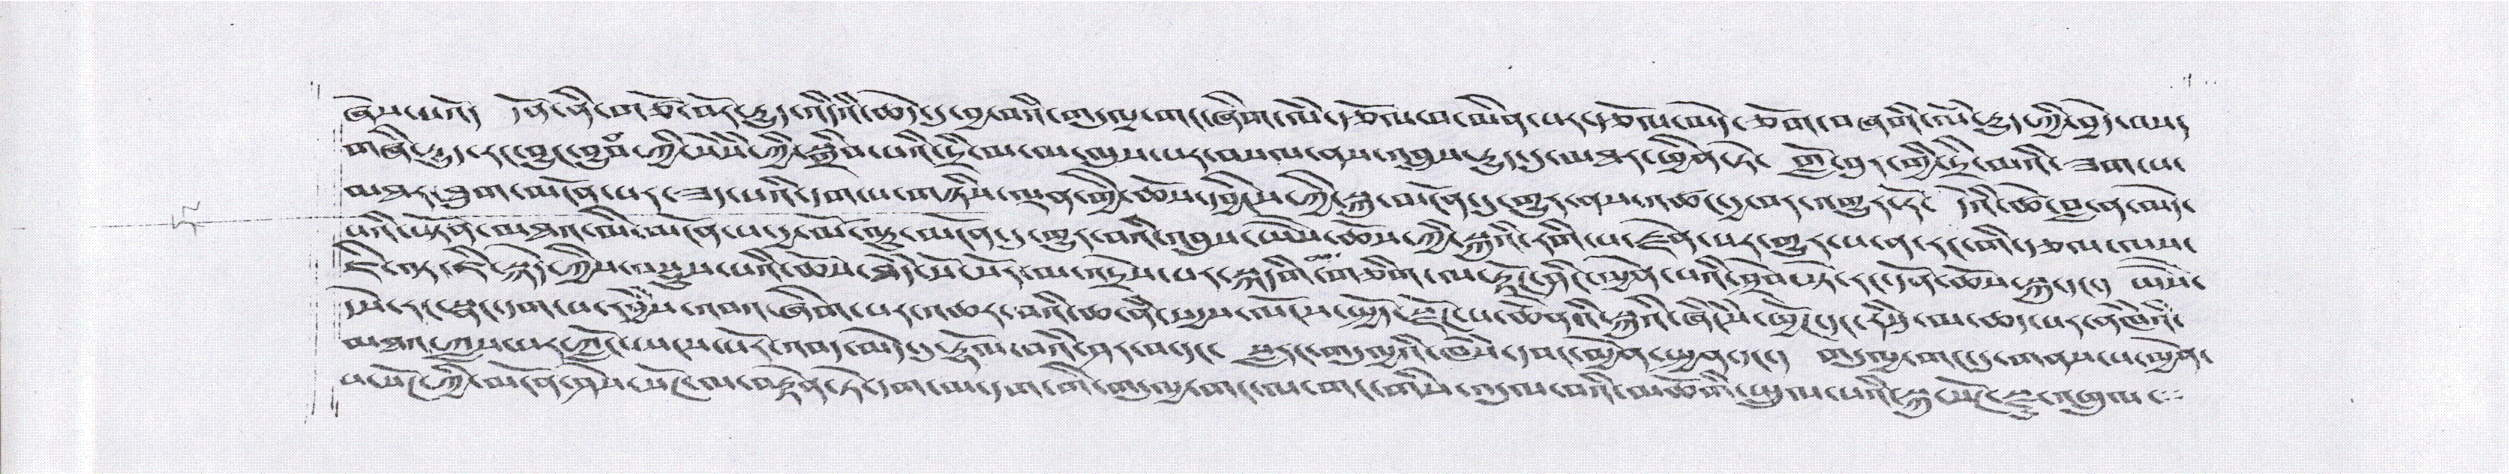ཞེས་པའོ། དོན་ནི་གཙོ་བོར་རྒྱུད་འདིའི་ཆེད་དུ་བྱ་བའི་གདུལ་བྱ་ལམ་རྩོལ་བ་ཡིན་པར་རྩོལ་མེད་ཅོག་བཞག་གི་ལམ་རྒྱུད་ཀྱི་བྱེད་ལས། 
གཞི་རྒྱུད་རང་བྱུང་བྱང་ཆུབ་ཀྱི་སེམས་ཀྱི་སྒྲིབ་པའི་དྲི་མ་མ་ལུས་པ་བསལ་ནས་འབྲས་བུ་རྒྱུད་དུ་མཐར་ཕྱིན་ཏེ། གློ་བུར་གྱི་དྲི་མའི་ཟག་པ་
མཐར་ཐུག་མངོན་པར་ཟད་པའི་དག་པ་གཉིས་ལྡན་གྱི་ཆོས་དབྱིངས་ཀྱི་སྐུ་མངོན་དུ་གྱུར་ནས་འཚང་རྒྱ་བར་འགྱུར་རོ། དེའི་ཚེ་བླ་ན་མེད་
པའི་ཡོན་ཏན་མཐའ་མི་མངོན་པ་རྒྱ་མཚོ་ལྟ་བུ་མངོན་དུ་གྱུར་པའི་འབྲས་བུ་ཡེ་ཤེས་ཆོས་ཀྱི་སྐུའི་རིག་པ་རྗེན་པར་གྱུར་པ་ན་རང་གི་རྩལ་ལས་
ཇི་ལྟ་ཇི་སྙེད་ཀྱིས་བསྡུས་པའི་ཆོས་ཐམས་ཅད་སོ་སོར་མ་འདྲེས་པར་སྐད་ཅིག་མ་གཅིག་ལ་རྟོགས་ཤིང་མཁྱེན་པའི་ཤེས་རབ་ཏེ་རང་དོན་ཆོས་སྐུ་དང་། ཡེ་ཤེས་
དེས་རང་སྣང་དག་པ་རབ་འབྱམས་འབའ་ཞིག་པ་འཆར་བའི་ཆ་ནི་སངས་རྒྱས་ལོངས་སྤྱོད་རྫོགས་པ་ཆེན་པོའི་སྐུའི་ཞིང་ཁམས་ཕྱོགས་དང་རིས་སུ་མ་ཆད་པར་ནམ་མཁའི་
མཐའ་ཀླས་པར་ཀློང་ཡངས་པོར་འབད་མེད་དུ་རྡོལ་བའི་ཤར་བ་དང་། སླར་ཡང་གདུལ་བྱའི་ཁམས་དབང་མཁྱེན་སྤྱན་དང་། གདུལ་བྱ་གང་དུ་གནས་པ་མཁྱེན་
པ་སོགས་ཀྱི་མངོན་ཤེས་སོགས་ལ་བརྟེན་ཏེ་དག་མ་དག་གི་གདུལ་བྱ་གང་ལ་གང་གིས་འདུལ་བའི་མཆོག་གི་སྤྲུལ་པའི་སྐུ་སོགས་རྫུ་འཕྲུལ་